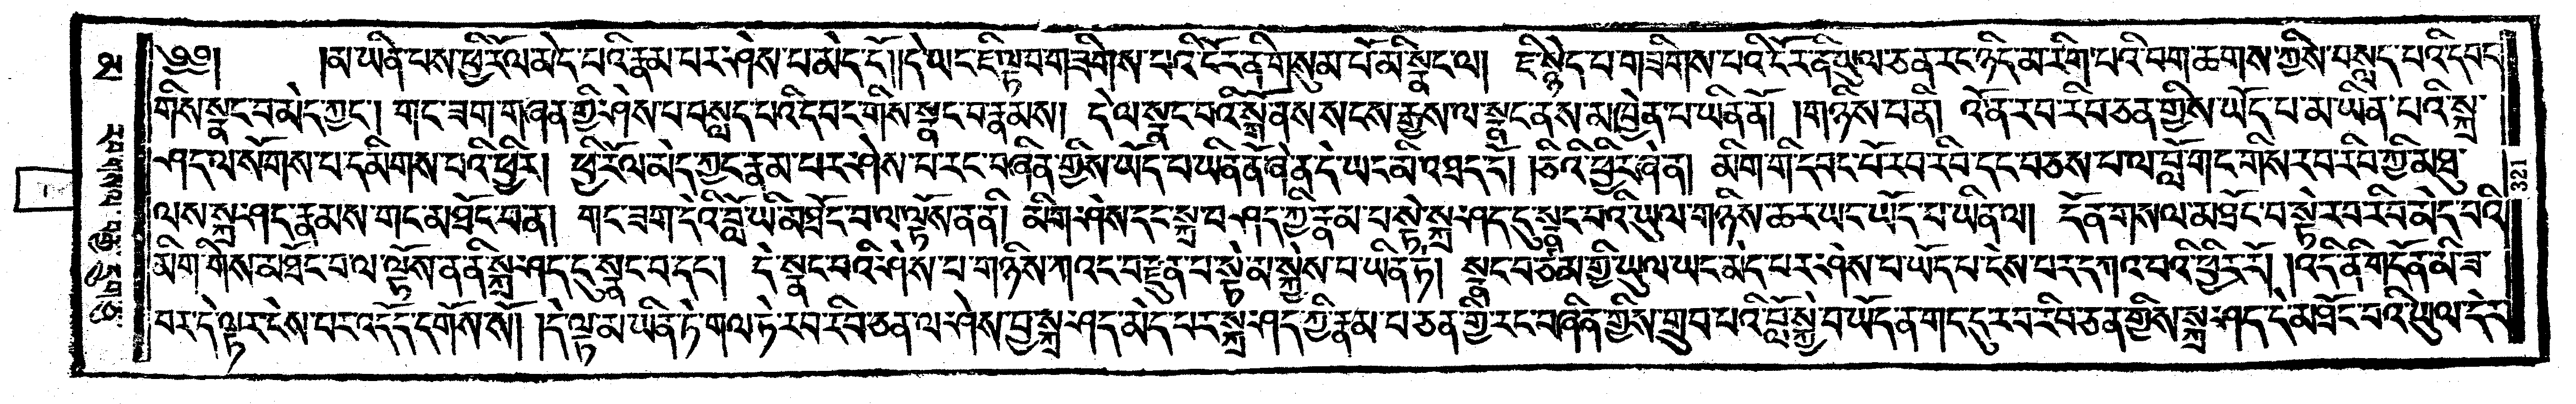༄༅། །མ་ཡིན་པས་ཕྱི་རོལ་མེད་པའི་རྣམ་པར་ཤེས་པ་མེད་དོ། །དེ་ཡང་ཇི་ལྟར་གཟིགས་པའི་ངོར་ནི་གསུམ་པོ་མི་སྣང་ལ། ཇི་སྙེད་པ་གཟིགས་པའི་ངོར་ནི་ཡུལ་ཅན་རང་ཉིད་མ་རིག་པའི་བག་ཆགས་ཀྱིས་བསླད་པའི་དབང་
གིས་སྣང་བ་མེད་ཀྱང་། གང་ཟག་གཞན་གྱི་ཤེས་པ་བསླད་པའི་དབང་གིས་སྣང་བ་རྣམས། དེ་ལ་སྣང་བའི་སྒོ་ནས་སངས་རྒྱས་ལ་སྣང་ནས་མཁྱེན་པ་ཡིན་ནོ། །གཉིས་པ་ནི། འོ་ན་རབ་རིབ་ཅན་གྱིས་ཡོད་པ་མ་ཡིན་པའི་སྐྲ་
ཤད་ལ་སོགས་པ་དམིགས་པའི་ཕྱིར། ཕྱི་རོལ་མེད་ཀྱང་རྣམ་པར་ཤེས་པ་རང་བཞིན་གྱིས་ཡོད་པ་ཡིན་ནོ་ཞེ་ན་དེ་ཡང་མི་འཐད་དོ། །ཅིའི་ཕྱིར་ཞེ་ན། མིག་གི་དབང་པོ་རབ་རིབ་དང་བཅས་པ་ལ་བློ་གང་གིས་རབ་རིབ་ཀྱི་མཐུ་
ལས་སྐྲ་ཤད་རྣམས་གང་མཐོང་བ་ན། གང་ཟག་དེའི་བློ་ཡི་མཐོང་བ་ལ་ལྟོས་ན་ནི། མིག་ཤེས་དང་སྐྲ་བཤད་ཀྱི་རྣམ་པ་སྟེ་སྐྲ་ཤད་དུ་སྣང་བའི་ཡུལ་གཉིས་ཆར་ཡང་ཡོད་པ་ཡིན་ལ། དོན་གསལ་མཐོང་བ་སྟེ་རབ་རིབ་མེད་པའི་
མིག་གིས་མཐོང་བ་ལ་ལྟོས་ན་ནི་སྐྲ་ཤད་དུ་སྣང་བ་དང་། དེ་སྣང་བའི་ཤེས་པ་གཉིས་ཀའང་བརྫུན་པ་སྟེ་མ་སྐྱེས་པ་ཡིན་ཏེ། སྣང་བ་ཙམ་གྱི་ཡུལ་ཡང་མེད་པར་ཤེས་པ་ཡོད་པ་ངེས་པར་དཀའ་བའི་ཕྱིར་རོ། །འདི་ནི་གདོན་མི་ཟ་
བར་དེ་ལྟར་ངེས་པར་འདོད་དགོས་སོ། །དེ་ལྟ་མ་ཡིན་ཏེ་གལ་ཏེ་རབ་རིབ་ཅན་ལ་ཤེས་བྱ་སྐྲ་ཤད་མེད་པར་སྐྲ་ཤད་ཀྱི་རྣམ་པ་ཅན་གྱི་རང་བཞིན་གྱིས་གྲུབ་པའི་བློ་སྐྱེ་བ་ཡོད་ན་གང་དུ་རབ་རིབ་ཅན་གྱིས་སྐྲ་ཤད་དེ་མཐོང་བའི་ཡུལ་དེར་